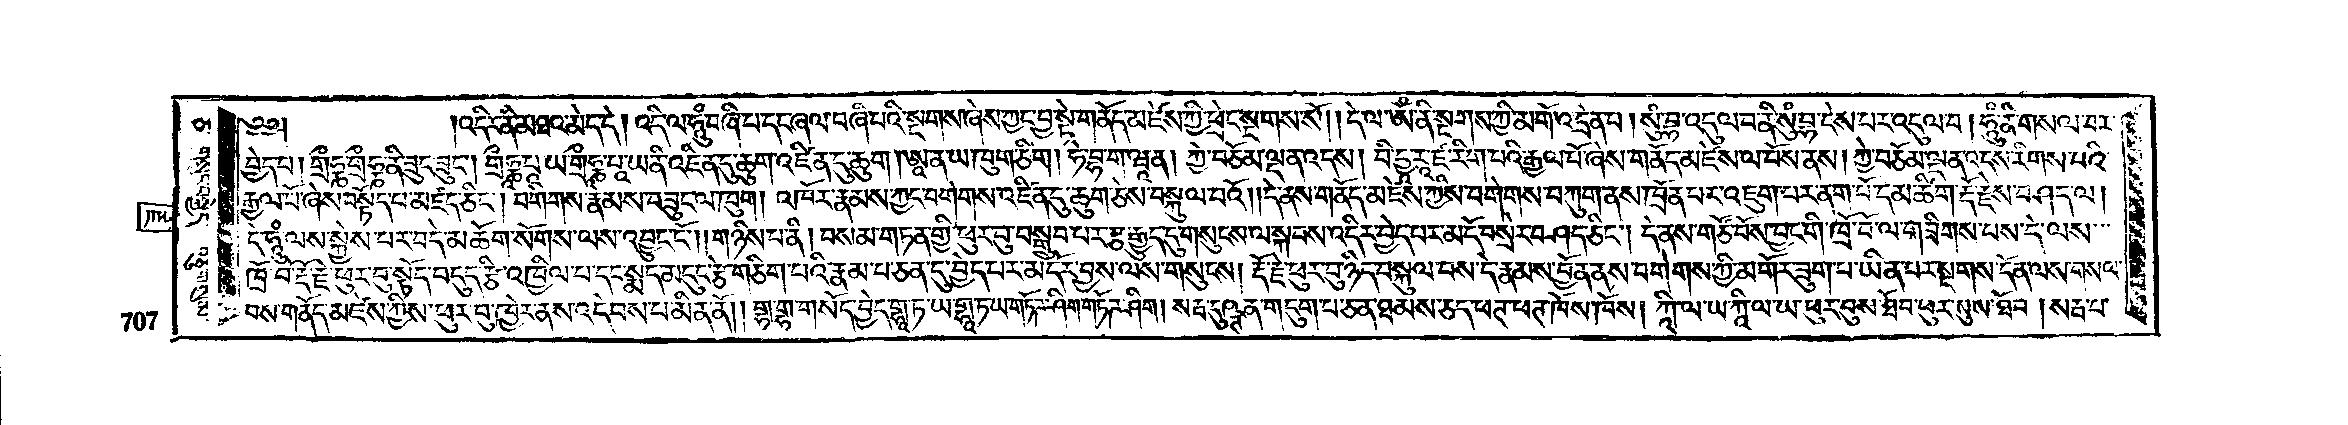༄༅། །འདིར་ནི་མཐའ་མེད་དེ། འདི་ལ་ཧཱུཾ་བཞི་པ་དང་ཞལ་བཞི་པའི་སྔགས་ཞེས་ཀྱང་བྱ་སྟེ་གནོད་མཛེས་ཀྱི་ཕྲེང་སྔགས་སོ། །དེ་ལ་ཨོཾ་ནི་སྔགས་ཀྱི་མགོ་འདྲེན་པ། སུཾ་བྷ་འདུལ་བ་ནི་སུཾ་བྷ་ངེས་པར་འདུལ་བ། ཧཱུཾ་ནི་གསལ་བར་
བྱེད་པ། གྲྀཧྞ་གྲྀཧྞ་ནི་ཟུང་ཟུང་། གྲྀཧྞཱ་པཱ་ཡ་གྲྀཧྞཱ་པཱ་ཡ་ནི་འཛིན་དུ་ཆུག་འཛིན་དུ་ཆུག །ཨཱ་ན་ཡ་ཁུག་ཅིག །ཧི་བྷ་ག་ཝཱ་ན། ཀྱེ་བཅོམ་ལྡན་འདས། བི་དྱཱ་རཱ་ཛ་རིག་པའི་རྒྱལ་པོ་ཞེས་གནོད་མཛེས་ལ་བོས་ནས། ཀྱེ་བཅོམ་ལྡན་འདས་རིགས་པའི་
རྒྱལ་པོ་ཞེས་བསྟོད་པ་མཛད་ཅིང་། བགེགས་རྣམས་བཟུང་ལ་ཁུག །འཁོར་རྣམས་ཀྱང་བགེགས་འཛིན་དུ་ཆུག་ཅེས་བསྐུལ་བའོ། །དེ་ནས་གནོད་མཛེས་ཀྱིས་བགེགས་བཀུག་ནས་ཁྲོན་པར་འཇུག་པར་ནག་པོ་དམ་ཚིག་རྡོ་རྗེས་བཤད་ལ།
དེ་ཧཱུཾ་ལས་སྐྱེས་པར་བདེ་མཆོག་སོགས་ལས་འབྱུང་ངོ། །གཉིས་པ་ནི། བསམ་གཏན་གྱི་ཕུར་བུ་བསྒྲུབ་པར་རྩ་རྒྱུད་དུ་གསུངས་ལ་སྐབས་འདིར་བྱེད་པར་མདོ་བསྲེར་བཤད་ཅིང་། དེ་ནས་གཙོ་བོས་བྱང་གི་ཁྲོ་བོ་ལ་གཟིགས་པས་དེ་ལས་
ཁྲོ་བོ་རྡོ་རྗེ་ཕུར་བུ་སྟོད་བདུད་རྩི་འཁྱིལ་པ་དང་སྨད་མདུང་རྩེ་གཅིག་པའི་རྣམ་པ་ཅན་དུ་བྱེད་པར་མདོར་བྱས་ལས་གསུངས། རྡོ་རྗེ་ཕུར་བུ་ཉིད་བསྐུལ་བས་དེ་རྣམས་བྱོན་ནས་བགེགས་ཀྱི་མགོར་ཟུག་པ་ཡིན་པར་སྔགས་དོན་ལས་གསལ་
བས་གནོད་མཛེས་ཀྱིས་ཕུར་བུ་ཁྱེར་ནས་འདེབས་པ་མིན་ནོ། །གྷ་གྷ་གསོད་བྱེད་གྷཱ་ཏ་ཡ་གྷཱ་ཏ་ཡ་གཏོགས་ཤིག་གཏོགས་ཤིག །སརྦ་དུ་ཥྚན་གདུག་པ་ཅན་ཐམས་ཅད་ཕཊ་ཕཊ་ཁོས་ཁོས། ཀཱི་ལ་ཡ་ཀཱི་ལ་ཡ་ཕུར་བུས་ཐོབ་ཕུར་བུས་ཐོབ། སརྦ་པ་